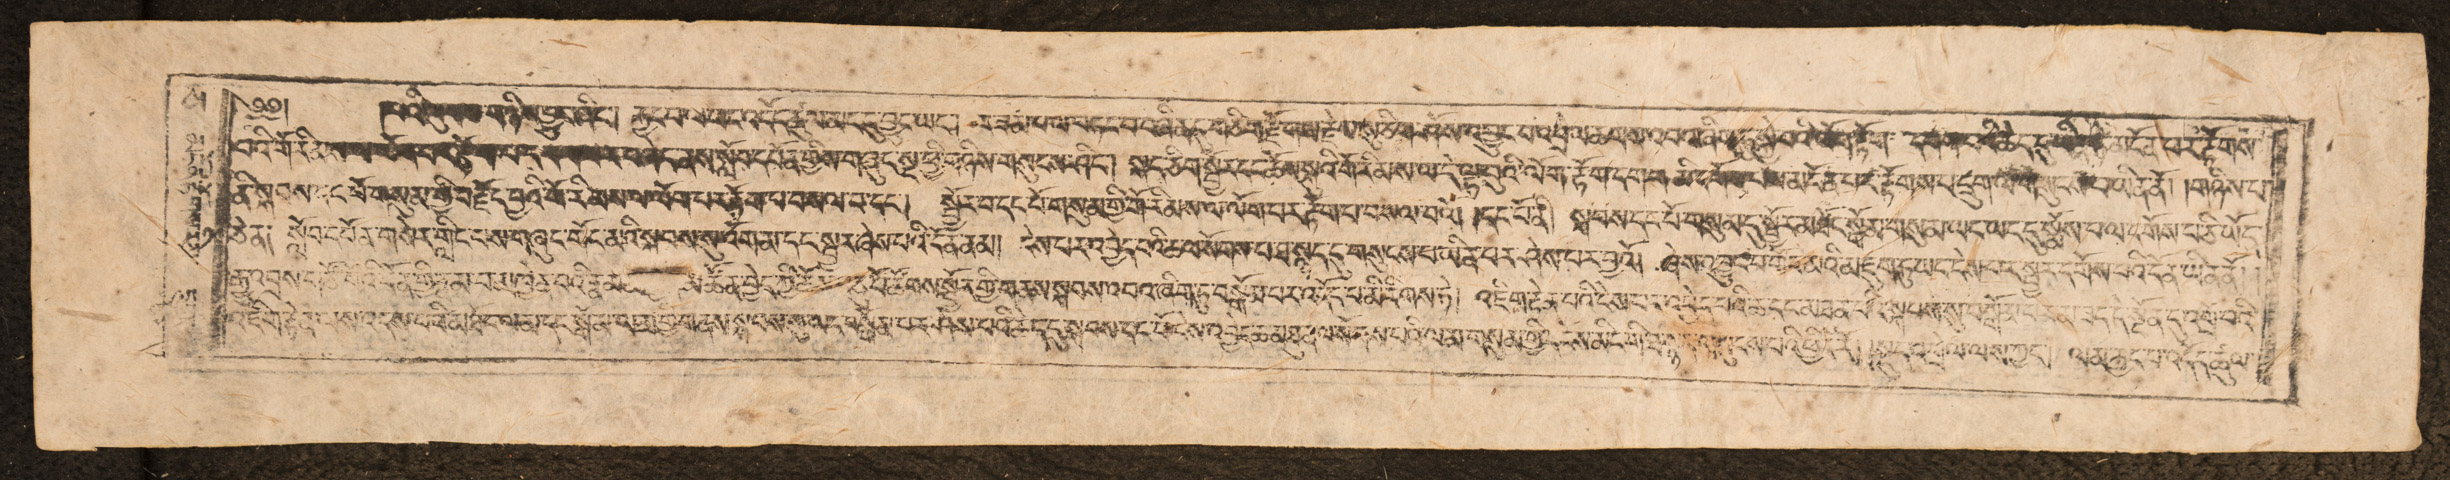༄༅། །པའི་ལུགས་གཉིས་བྱུང་ཞིང་། རྐྱང་པ་ལ་ཡང་འདོད་ཚུལ་མང་དུ་བྱུང་ཡང་། ར་ཟམ་པ་ལ་བཏང་བ་བཞིན་དུ་གཅིག་རྫོགས་རྗེས་སུ་ཅིག་ཤོས་འབྱུང་བ་འབྲེལ་ཆགས་འབའ་ཞིག་ཏུ་སྐྱེ་བའི་ལོག་རྟོག་དགག་པའི་ཆེད་དུ་ཡིན་ཏེ་མངོན་པར་རྟོགས་
པའི་གོ་རིམས་ལ་ལོག་པར་རྟོག་པ་དགག་པར་བཞེད་ནས་སློབ་དཔོན་གྱིས་གཞུང་སྔ་ཕྱི་གཉིས་གསུངས་ཤིང་། སྐད་ཅིག་སྦྱོར་དང་ཆོས་སྐུའི་གོ་རིམས་ལ་དེ་ལྟ་བུའི་ལོག་རྟོག་དགག་མི་དགོས་པས་མངོན་པར་རྟོགས་པ་དྲུག་ལ་གསུངས་པ་ཡིན་ནོ། །གཉིས་པ་
ནི་སྐབས་དང་པོ་གསུམ་གྱི་བརྗོད་བྱའི་གོ་རིམས་ལ་ལོག་པར་རྟོག་པ་བསལ་བ་དང་། སྦྱོར་བ་དང་པོ་གསུམ་གྱི་གོ་རིམས་ལ་ལོག་པར་རྟོག་པ་བསལ་བའོ། །དང་པོ་ནི། སྐབས་དང་པོ་གསུམ་དུ་སྦྱོར་མཐོང་སྒོམ་གསུམ་ཡང་ཡང་དུ་སྨོས་པ་ལ་དགོས་པ་ཅི་ཡོད་
ཅེ་ན། སློབ་དཔོན་གསེར་གླིང་པས་གཞུང་གོང་མའི་སྐབས་སུ་འོག་མ་དང་སྦྱར་ཞེས་པའི་དོན་ནམ། ངེས་པར་འབྱེད་པའི་ཆ་ལ་སོགས་པ་ཐ་སྙད་དུ་གསུངས་པ་ཡིན་པར་ཤེས་པར་བྱའོ། ཞེས་འབྱུང་བ་གོང་མའི་མཇུག་ཏུ་ཡང་ངེས་པར་སྦྱར་དགོས་པའི་དོན་ཡིན་ནོ། །
རྒྱུ་འབྲས་གཙོ་བོའི་དོན་གྱི་རྣམ་པ་མཁྱེན་པའི་རྣམ་མཁྱེན་མཚོན་བྱེད་ཀྱི་ཆོས་བཅུ་པོ་ཚོགས་སྦྱོར་གྱི་གནས་སྐབས་འབའ་ཞིག་ཏུ་བསྒོམ་པར་འདོད་པ་མི་རིགས་ཏེ། འཇིག་རྟེན་པའི་ངེས་པར་འབྱེད་པའི་ཆ་དང་མཐུན་པའི་སྐབས་སུ་བསྒོམ་པར་མ་ཟད་དེ་སྔོན་དུ་འགྲོ་བའི་
འཇིག་རྟེན་ལས་འདས་པའི་མཐོང་ལམ་དང་སྒོམ་ལམ་གྱི་གནས་སྐབས་སུ་ཡང་བསྒོམ་པར་ཤེས་པའི་ཆེད་དུ་སྐབས་དང་པོ་ངེས་འབྱེད་ཆ་མཐུན་ལ་སོགས་པའི་ལམ་གསུམ་གྱི་དངོས་མིང་གི་ཐ་སྙད་གསུངས་པའི་ཕྱིར་རོ། །སྡུད་འགྲེལ་ལས་ཀྱང་། ལམ་རྐྱང་བ་འདོད་ཚུལ་